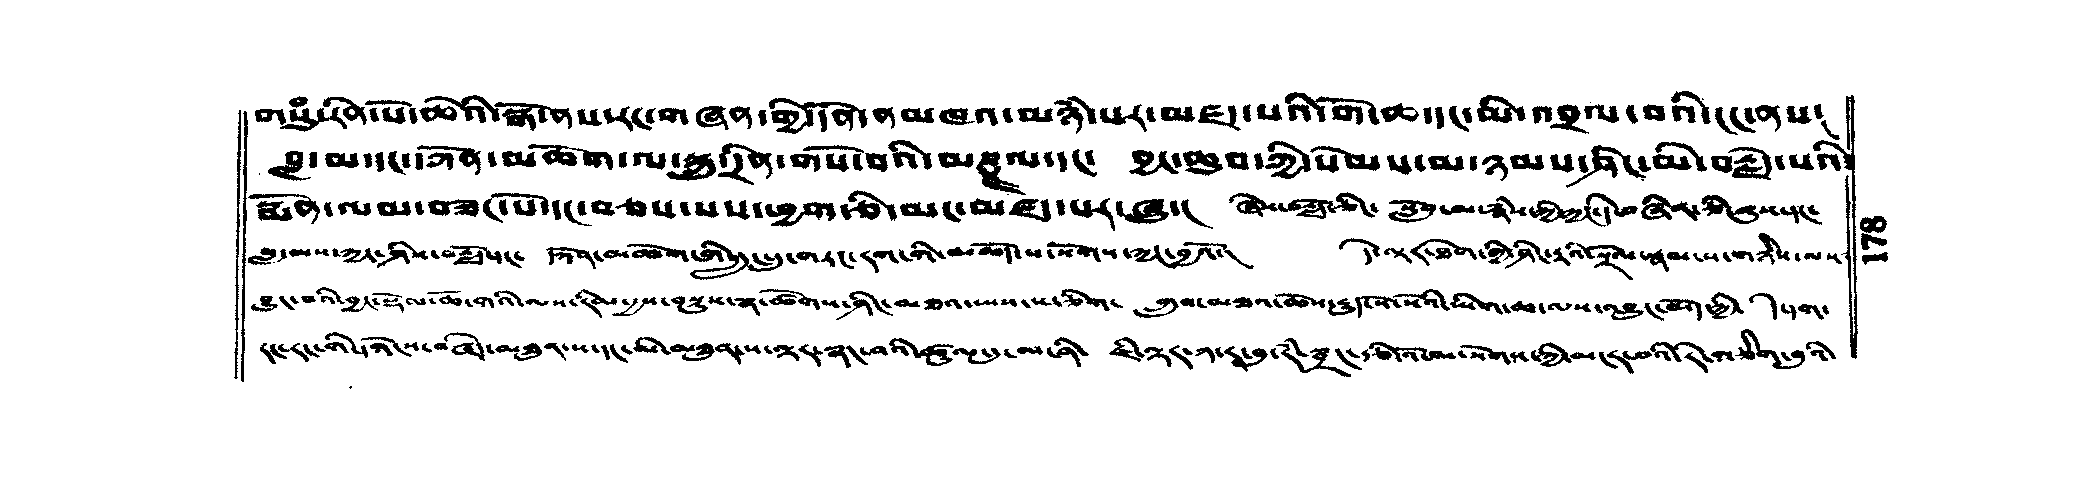གསུམ་རིན་པོ་ཆེའི་སྒོ་ནས་རང་གཞན་གྱི་དོན་ནམ་མཁའ་མཉམ་པར་མཛད་པའི་གོ་ཆ་དང་མི་འབྲལ་བའི་ངང་ནས་
བླ་མ་དང་དཀོན་མཆོག་ལ་སྐུ་དྲིན་གསོ་བའི་མཎྜལ་དང་། བྱང་ཆུབ་ཀྱི་སེམས་མ་ཉམས་ཤིང་མི་བརྗེད་པའི་
སྨོན་ལམ་བཟང་པོ་ཛག་བཅས་པས་ཕྱག་ཅི་མང་མཛད་པར་ཞུ། ཞེས་བརྗོད་ཅིང་། སློབ་མ་རྣམས་ཀྱི་ཀྱང་དེ་བཞིན་ཅི་ནུས་དང་། 
བླ་མས་ཀྱང་ཤིས་བརྗོད་དང་། དཀོན་མཆོག་གི་དྲུང་དུ་གཏང་རག་གི་མཆོད་པ་སོགས་ཀྱང་བྱའོ། དེ་ལྟར་ཐེག་གི་ཤིང་རྟའི་སྲོལ་རྣམ་པ་གཉིས་ལས་
བྱུང་བའི་བྱང་སྡོལ་ཆོ་གའི་ལས་རིམ་རྒྱས་བསྡུས་སྣ་ཚོགས་ཤིང་མཐའ་ཡས་པ་ཅིག གྲུབ་མཐའ་ཆོས་རྒྱུད་སོ་སོའི་ཡིག་ཆ་ལས་འབྱུང་མོད་ཀྱི། དེ་དག་
རང་རང་གི་དགོངས་བཞེད་མཐུན་པ་དང་མི་མཐུན་པ་ལྟར་སྣང་བའི་ཚུལ་དུ་མ་ནི། ཇི་ལྟར་ཉ་ར་བུ་རམ་སྦྲང་རྩི་འོ་མ་སོགས་ཀྱི་མངར་བའི་རེ་གཅིག་བུའི་